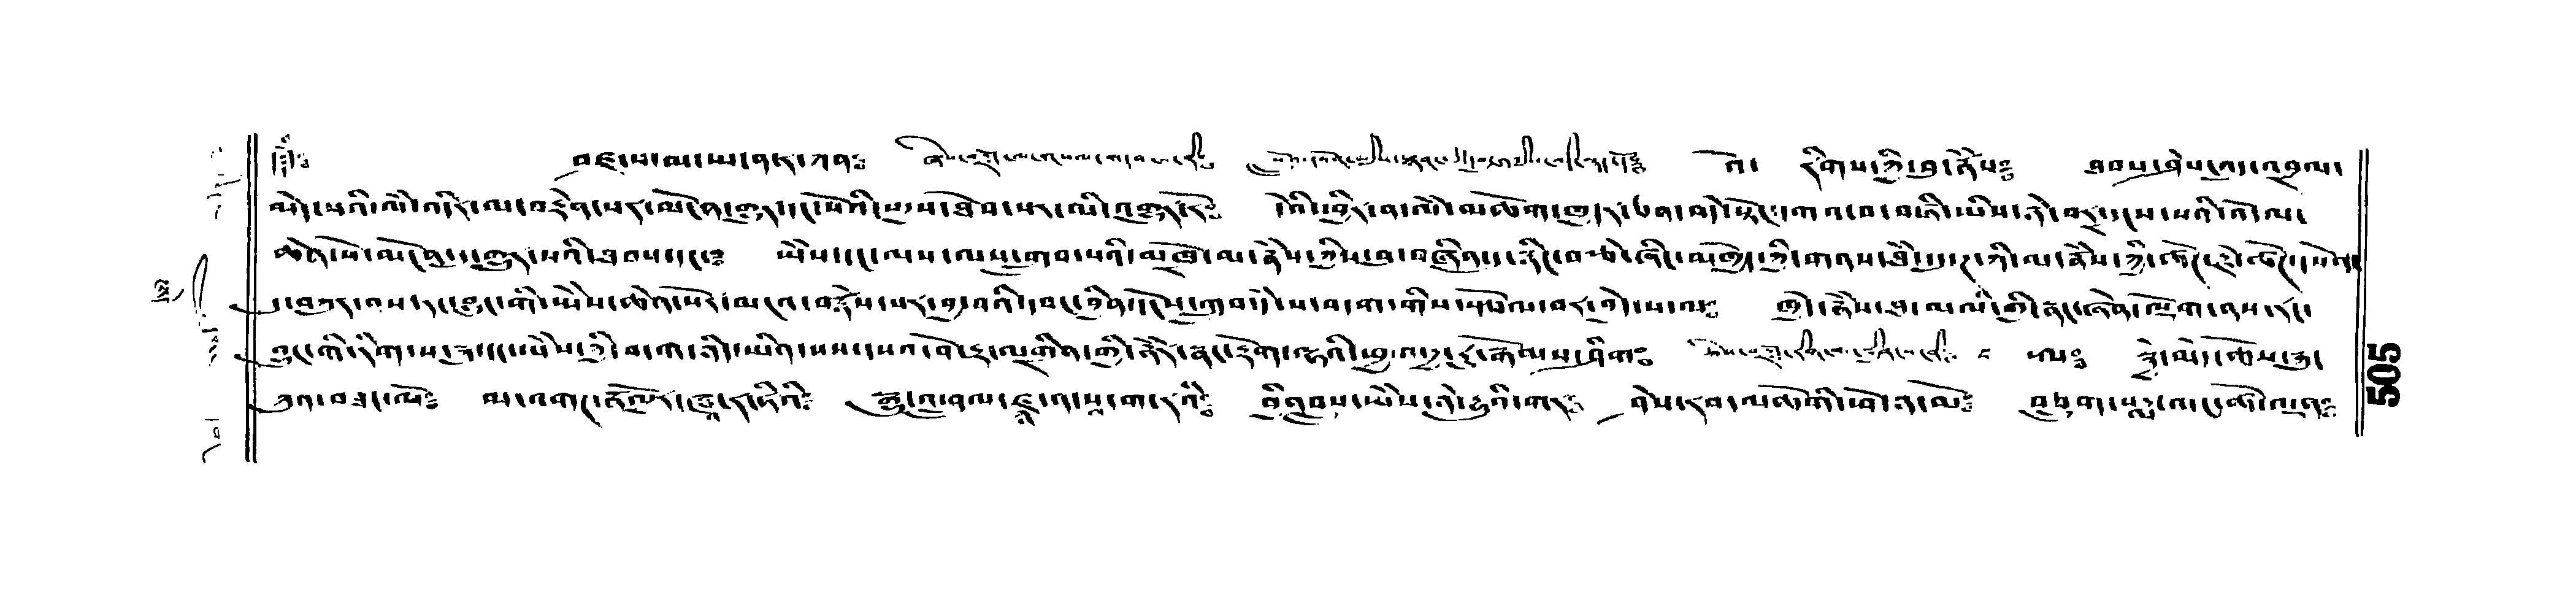བཛྲ་ས་མ་ཡ་ན་ར་ཀན༔ ཞེས་བརྗོད་ལ་གསལ་གདབ་པ་ནི༔ སློབ་དཔོན་གྱིས་སྙན་པའི་དབྱངས་ཀྱིས་འདི་སྐད་དོ༔ འོ༔ རིགས་ཀྱི་བུ་རྣམས༔ ཐབས་ཤེས་འདུ་འབྲལ་
མེད་པའི་ལམ་འདིར་མ་བརྟེན་པར་མངོན་གྱུར་དང་པོའི་སངས་རྒྱས་ཐོབ་པར་མི་འགྱུར་རོ༔ དེའི་ཕྱིར་ན་ལམ་མཆོག་ཁྱད་པར་ཅན་བདེ་སྟོང་དགའ་བ་བཞི་ཡིས་ཉེ་བར་དྲངས་པའི་འོད་གསལ་
ཆེན་པོ་མངོན་དུ་གྱུར་པའི་ཐབས་དང༔ ཡེ་ཤེས་དང་ལས་ལས་གྲུབ་པའི་མཁའ་འགྲོ་མ་རྣམས་ཀྱིས་བུ་བཞིན་དུ་སྙིང་བརྩེ་ཞིང་མཁའ་སྤྱཽད་ཀྱི་གནས་ཐམས་ཅད་དུ་ཌཱ་ཀི་མ་རྣམས་ཀྱི་ཚོགས་རྗེ་ཚོགས་དཔོན་
དུ་བཀུར་ནས་རང་བྱུང་གི་ཡེ་ཤེས་ཆེན་པོར་མངའ་བརྙེས་པར་བྱ་བའི་དབང་བྱིན་དངོས་གྲུབ་དམ་པ་བདག་གིས་སྩོལ་བར་བྱེད་པ་ལ༔ཁྱེད་རྣམས་ཐ་མལ་གྱི་སྣང་ཞེན་ལྡོག་ནས་རང་
བྱུང་གི་རིག་པ་སྐུ་དང་ཡེ་ཤེས་ཀྱི་བདག་ཉིད་ཡིན་པས་དཔའ་བོ་རྟ་མགྲིན་གྱི་རྣམ་པར་སྣང་རྟོག་ལྷའི་ཕྱག་རྒྱ་རུ་སྒོམས་ཤིག༔ ཅེས་བརྗོད་རིག་མ་སྦྱིན་པ་ནི༔ ཨཱཿ སྐྱེ་མེད་ཆོས་སྐུ་
ཀུན་བཟང་མོ༔ མ་འགགས་རྣལ་འབྱོར་ཝཱ་ར་ཧིའི༔ སྒྱུ་འཕྲུལ་ཛྙཱ་ན་སཱ་ག་རའི༔ བྱིན་རླབས་ཡེ་ཤེས་ཉེ་རྒྱུའི་གར༔ ཤེས་རབ་མཆོག་གི་ཕོ་ཉ་མོ༔ བཅུ་དྲུག་པདྨ་ལང་ཚོ་ལྡན༔